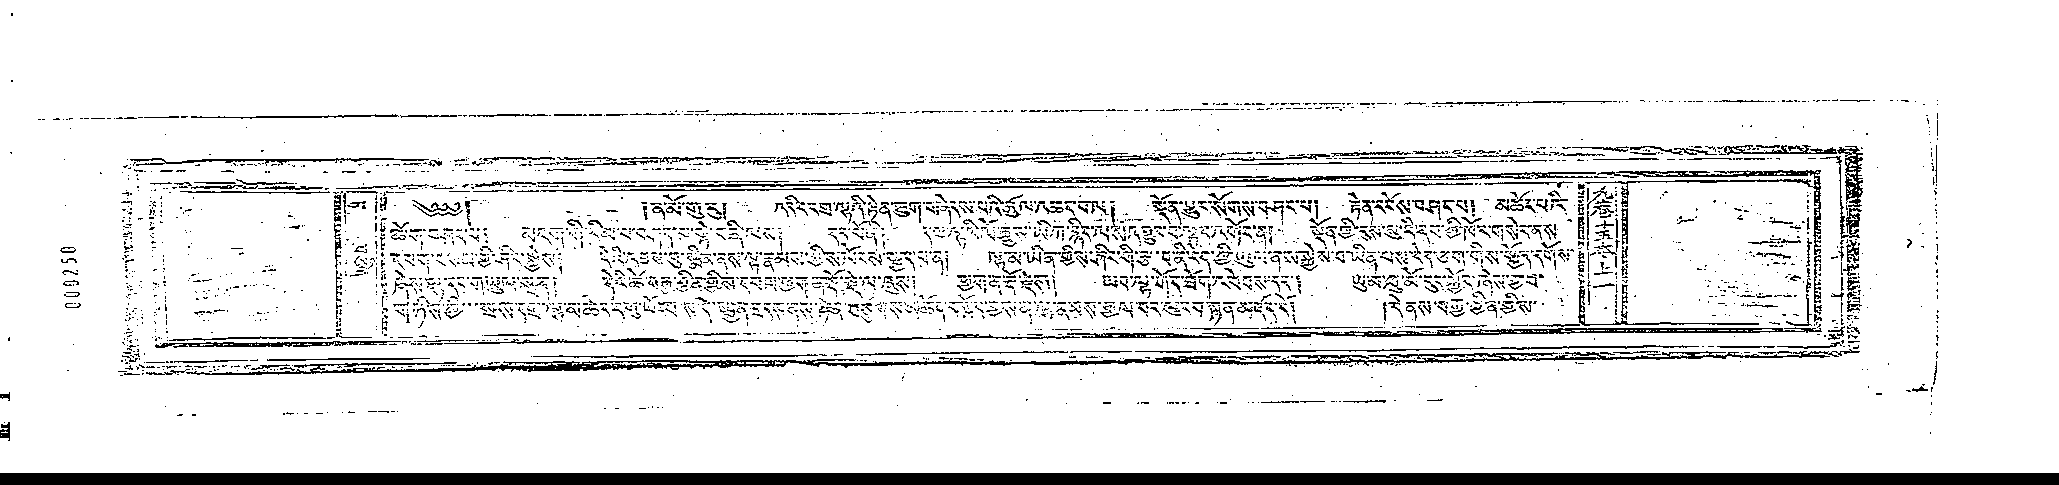༄༅༅། །ན་མོ་གུ་རུ། འདིར་དགྲ་ལྷའི་རྟེན་ཐུག་བཞེངས་བའི་ཚུལ་འཆད་པ་ལ། སྔོན་བྱུང་སོགས་བཤད་པ། རྟེན་དངོས་བཤད་པ། མཆོད་པའི་
ཆོ་ག་བཤད་པ། མཇུག་གི་རིམ་པ་བཤད་པ་སྟེ་བཞི་ལས། དང་པོ་ནི། དགྲ་ལྷའི་ལོ་རྒྱུས་ཡིག་རྙིང་ལས་འབྱུང་བ་ལྟར་འགོད་ན། སྔོན་གྱི་དུས་སུ་རི་རབ་ཀྱི་ཁོད་གསེང་ནས། །
དཔག་བསམ་གྱི་ཤིང་སྐྱེས། དེའི་འབྲས་བུ་སྨིན་ནས་ལྷ་རྣམས་ཀྱིས་ལོངས་སྤྱོད་པ་ན། ལྷ་མ་ཡིན་གྱིས་ཤིང་གི་རྩ་བ་ནི་ངེད་ཀྱི་ཡུལ་ནས་སྐྱེས་པ་ཡིན་པས་ངེད་ཅག་གིས་སྤྱོད་དགོས་
ཞེས་ལྷ་དང་གཡུལ་སྤྲད། དེའི་ཚེ་བརྒྱ་བྱིན་གྱིས་དཔལ་ཕྱག་ན་རྡོ་རྗེ་ལ་ཞུས། ཕྱག་ན་རྡོ་རྗེས། ཡབ་ལྷ་རྒོད་ཐོག་འབེ་བས་དང་། ཡུམ་ཀླུ་མོ་དུང་སྐྱོང་ཞེས་བྱ་བ་
གཉིས་གྱི་སྲས་དགྲ་ལྷ་མཆེད་དགུ་ཡོད་པས་དེ་སྤྱན་དྲངས་ནས་རྟེན་བཙུགས་མཆོད་བསྟོད་བྱས་ན་ལྷ་རྣམས་རྒྱལ་བར་ལུང་བསྟན་མཛད་དོ། །དེ་ནས་བརྒྱ་བྱིན་གྱིས་